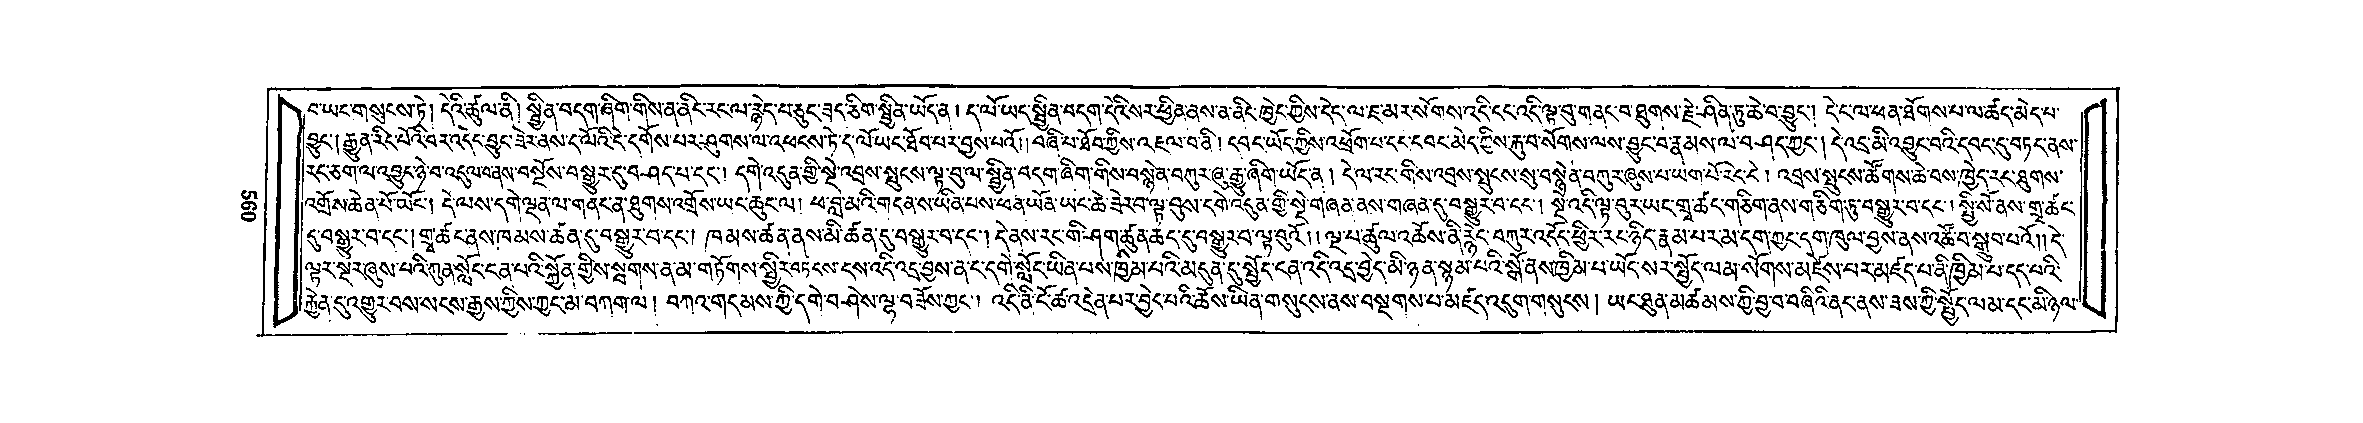བ་ཡང་གསུངས་ཏེ། དེའི་ཚུལ་ནི། སྦྱིན་བདག་ཞིག་གིས་ན་ནིང་རང་ལ་རྙེད་པ་ཅུང་ཟད་ཅིག་སྦྱིན་ཡོད་ན། ད་ལོ་ཡང་སྦྱིན་བདག་དེའི་སར་ཕྱིན་ནས་ན་ནིང་ཁྱེད་ཀྱིས་དེད་ལ་ཇ་མར་སོགས་འདི་དང་འདི་ལྟ་བུ་གནང་བ་ཐུགས་རྗེ་ཤིན་ཏུ་ཆེ་བ་བྱུང་། དེ་ང་ལ་ཕན་ཐོགས་པ་ལ་ཚད་མེད་པ་
བྱུང་། རྒྱུན་རིང་པོའི་བར་འདོད་བྱུང་ཟེར་ནས་ད་ལོའི་དེ་དགོས་པར་ཤུགས་ལ་འཕངས་ཏེ་ད་ལོ་ཡང་ཐོབ་པར་བྱས་པའོ། །བཞི་པ་ཐོབ་ཀྱིས་འཇལ་བ་ནི། དབང་ཡོད་ཀྱིས་འཕྲོག་པ་དང་དབང་མེད་ཀྱིས་རྐུ་བ་སོགས་ལས་བྱུང་བ་རྣམས་ལ་བཤད་ཀྱང་། དེ་འདྲ་མི་འབྱུང་བའི་དབང་དུ་བཏང་ནས་
རང་ཅག་ལ་འབྱུང་ཉེ་བ་འདུལ་བ་ནས་བསྔོས་བསྒྱུར་དུ་བཤད་པ་དང་། དགེ་འདུན་གྱི་སྡེ་འབྲས་སྤུངས་ལྟ་བུ་ལ་སྦྱིན་བདག་ཞིག་གིས་བསྙེན་བཀུར་ཞུ་རྒྱུ་ཞིག་ཡོད་ན། དེ་ལ་རང་གིས་འབྲས་སྤུངས་སུ་བསྙེན་བཀུར་ཞུས་པ་ཡག་པོ་རེད་དེ། འབྲས་སྤུངས་ཚོགས་ཆེ་བས་ཁྱེད་རང་ཐུགས་
འགྲོས་ཆེན་པོ་ཡོང་། དེ་ལས་དགེ་ལྡན་ལ་གནང་ན་ཐུགས་འགྲོས་ཡང་ཆུང་ལ། ཕ་བླ་མའི་གདན་ས་ཡིན་པས་ཕན་ཡོན་ཡང་ཆེ་ཟེར་བ་ལྟ་བུས་དགེ་འདུན་གྱི་སྡེ་གཞན་ནས་གཞན་དུ་བསྒྱུར་བ་དང་། སྡེ་འདི་ལྟ་བུར་ཡང་གྲྭ་ཚང་གཅིག་ནས་གཅིག་ཏུ་བསྒྱུར་བ་དང་། སྤྱི་སོ་ནས་གྲྭ་ཚང་
དུ་བསྒྱུར་བ་དང་། གྲྭ་ཚང་ནས་ཁམས་ཚན་དུ་བསྒྱུར་བ་དང་། ཁམས་ཚན་ནས་མི་ཚན་དུ་བསྒྱུར་བ་དང་། དེ་ནས་རང་གི་ཤག་ཚུན་ཆད་དུ་བསྒྱུར་བ་ལྟ་བུའོ། །ལྔ་པ་ཚུལ་འཆོས་ནི་རྙེད་བཀུར་འདོད་ཕྱིར་རང་ཉིད་རྣམ་པར་མ་དག་ཀྱང་དག་ཁུལ་བྱས་ནས་འཚོ་བ་སྒྲུབ་པའོ། །དེ་
ལྟར་སྔར་ཞུས་པའི་ཀུན་སློང་ངན་པའི་སྐྱོན་གྱིས་སྦགས་ན་མ་གཏོགས་སྤྱིར་བཏངས་ངས་འདི་འདྲ་བྱས་ན་ང་དགེ་སློང་ཡིན་པས་ཁྱིམ་པའི་མདུན་དུ་སྤྱོད་ངན་འདི་འདྲ་བྱེད་མི་ཉན་སྙམ་པའི་སྒོ་ནས་ཁྱིམ་པ་ཡོད་སར་སྤྱོད་ལམ་སོགས་མཛེས་པར་མཛད་པ་ནི་ཁྱིམ་པ་དད་པའི་
རྐྱེན་དུ་འགྱུར་བས་སངས་རྒྱ་ཀྱིས་ཀྱང་མ་བཀག་ལ། བཀའ་གདམས་ཀྱི་དགེ་བཤེས་ལྷ་བཟོས་ཀྱང་། འདི་ནི་ངོ་ཚ་འདྲེན་པར་བྱེད་པའི་ཆོས་ཡིན་གསུངས་ནས་བསྔགས་པ་མཛད་འདུག་གསུངས། ཡང་ཐུན་མཚམས་ཀྱི་བྱ་བ་བཞིའི་ནང་ནས་ཟས་ཀྱི་སྤྱོད་ལམ་དང་མི་ཉལ་